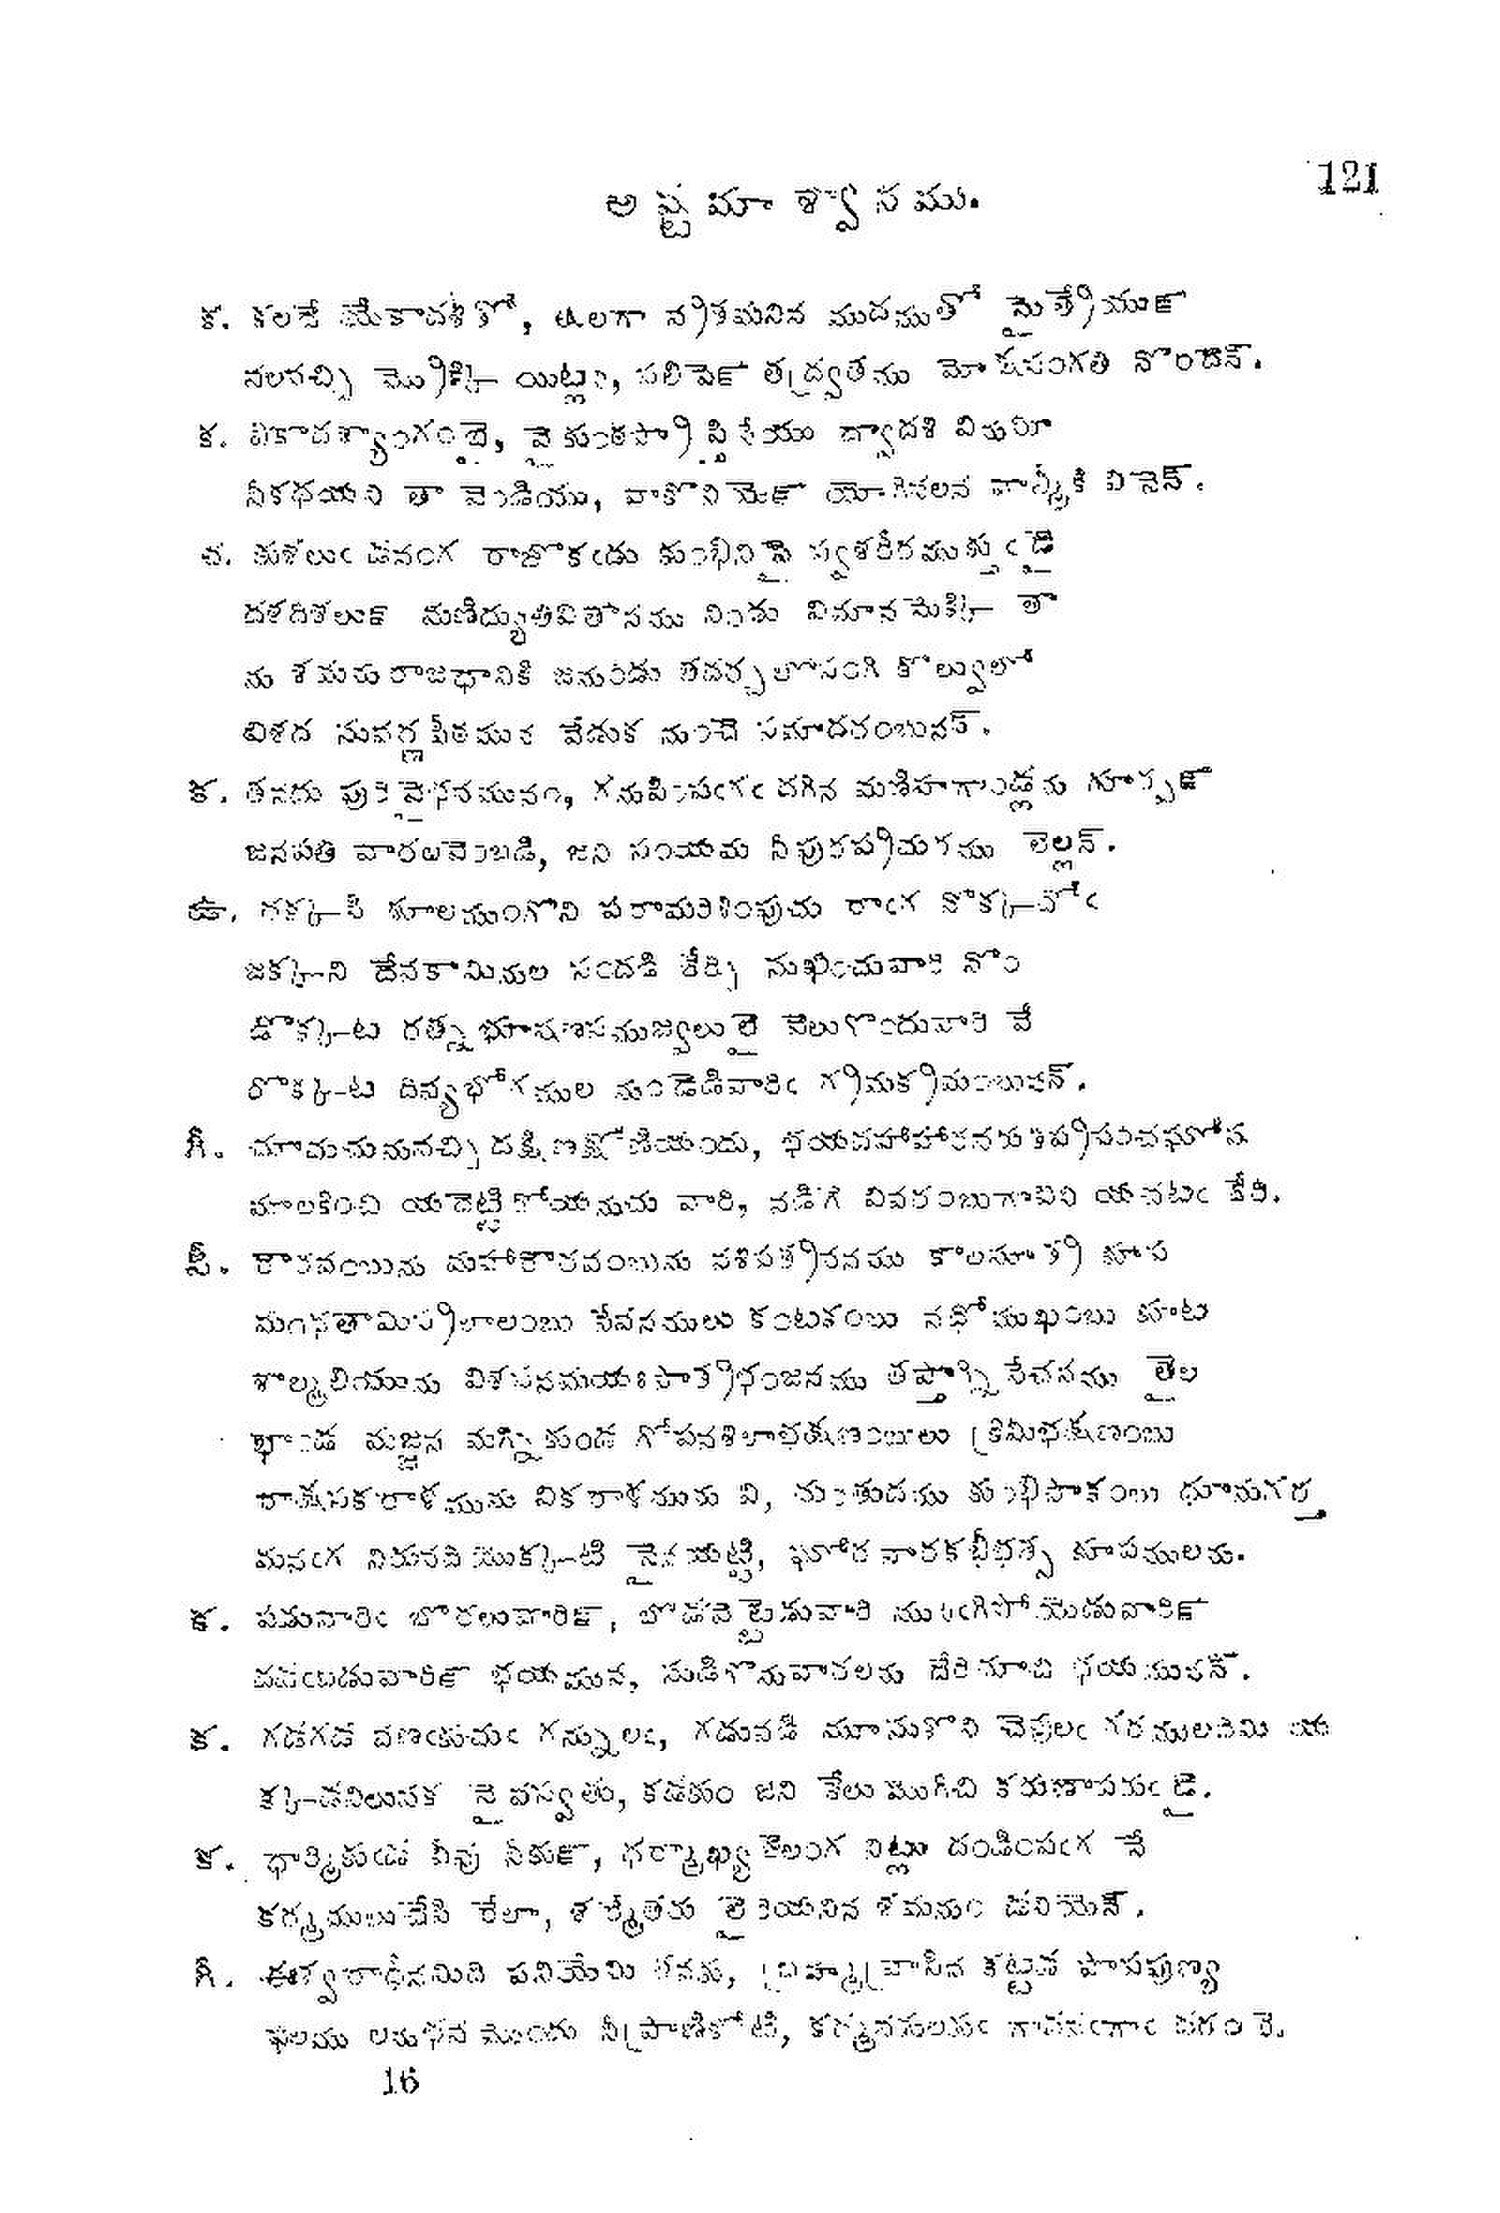క. కలదే యేకాదశితో, తులగా వ్రత మనిన ముదముతో మైత్రేయున్
 నలవచ్చి మ్రొక్కి యిట్లని, సలిపెన్ తద్వ్రతము మోక్షసంగతి నొందెన్.
క. ఏకాదశ్యాంగంబై, వైకుంఠప్రాప్తి సేయు ద్వాదశి వినుమీ
 నీకథయని తా వెండియు, వాకొనియెన్ యోగివలన వాల్మీకి వినెన్.
చ. కుశలుఁ డనంగ రాజొకఁడు కుంభినిపై స్వశరీరముక్తుఁడై
 దశదిశలున్ మణిద్యుతవితానము నిండు విమాన మెక్కి తా
 ను శమనురాజధానికి జనుండు తదర్చ లొసంగి కొల్వులో
 విశద సువర్ణపీఠమున వేడుక నుంచె సమాదరంబునన్.
క. తనదు పురివైభవమునం, గనుపింపఁగఁ దగిన మణిహగాండ్లను గూర్పన్
 జనపతి వారలవెంబడి, జని సంయమ నీపురప్రచురము లెల్లన్.
ఉ. రక్కసి శూలముంగొని పరామరిశింపుచు రాఁగ నొక్కచోఁ
 జక్కని దేవకామినుల సందడి జేర్చి సుఖించువారి నొం
 డొక్కట రత్నభూషణసముజ్వలులై వెలుగొందువారి వే
 రొక్కట దివ్యభోగముల నుండెడివారిఁ గ్రమక్రమంబునన్.
గీ. చూచుచును వచ్చి దక్షిణక్షోణియందు, భయదహాహారవరుతిప్రపంచఘోష
 మాలకించి యదెట్టిదోయనుచు వారి, నడిగి వివరంబుగావిని యచటఁ జేరి.
సీ. రౌరవంబును మహారౌరవంబును నశిపత్రవనము కాలసూత్ర కూప
 మంధతామిప్రలాలంబు సేవనములు కంటకంబు నధోముఖంబు కూట
 శాల్మలియును విశపసమయఃపాత్రభంజనము తప్తాగ్నిసేచనము తైల
 భాండ మజ్ఞన మగ్నికుండ గోపనశిలాభక్షణంబులు క్రిమిభక్షణంబు
 రాక్షసకరాళమును వికరాళమును వి, ధుంతుదము కుంభిపాకంబు ధూమగర్త
 మనఁగ నిరువదియొక్కటి నైనయట్టి, ఘోరనారకభీభత్సకూపములను.
క. పడునారిఁ బొరలువారిన్, బొడవెట్టెడువారి మునిఁగిపోయెడు వారిన్
 దడఁబడువారిన్ భయమున, సుడిగొనువారలను దేరిచూచి భయమునన్.
క. గడగడ వణకుచుఁ గన్నుల, గడువడి మూసుకొని చెవుల గరము లదిమి య
 క్కడ నిలుపక వైవస్వతు, కడకుం జని కేలు మొగిచి కరుణాపరుఁడై.
క. ధార్మికుఁడ వీవు నీకున్, ధర్మాఖ్య జెలంగ నిట్లు దండింపఁగ నే
 కర్మములు చేసి రేలా, శర్మేతరు లైరియనిన శమనుం డనియెన్.
గీ. ఈశ్వరాధీన మిది పనియేమి తనకు, బ్రహ్మవ్రాసిన కట్టడ పాపపుణ్య
 ఫలము లనుభవ మొందు నీప్రాణికోటి, కర్మవశులకుఁ గాదనఁగాఁ దలంచె.